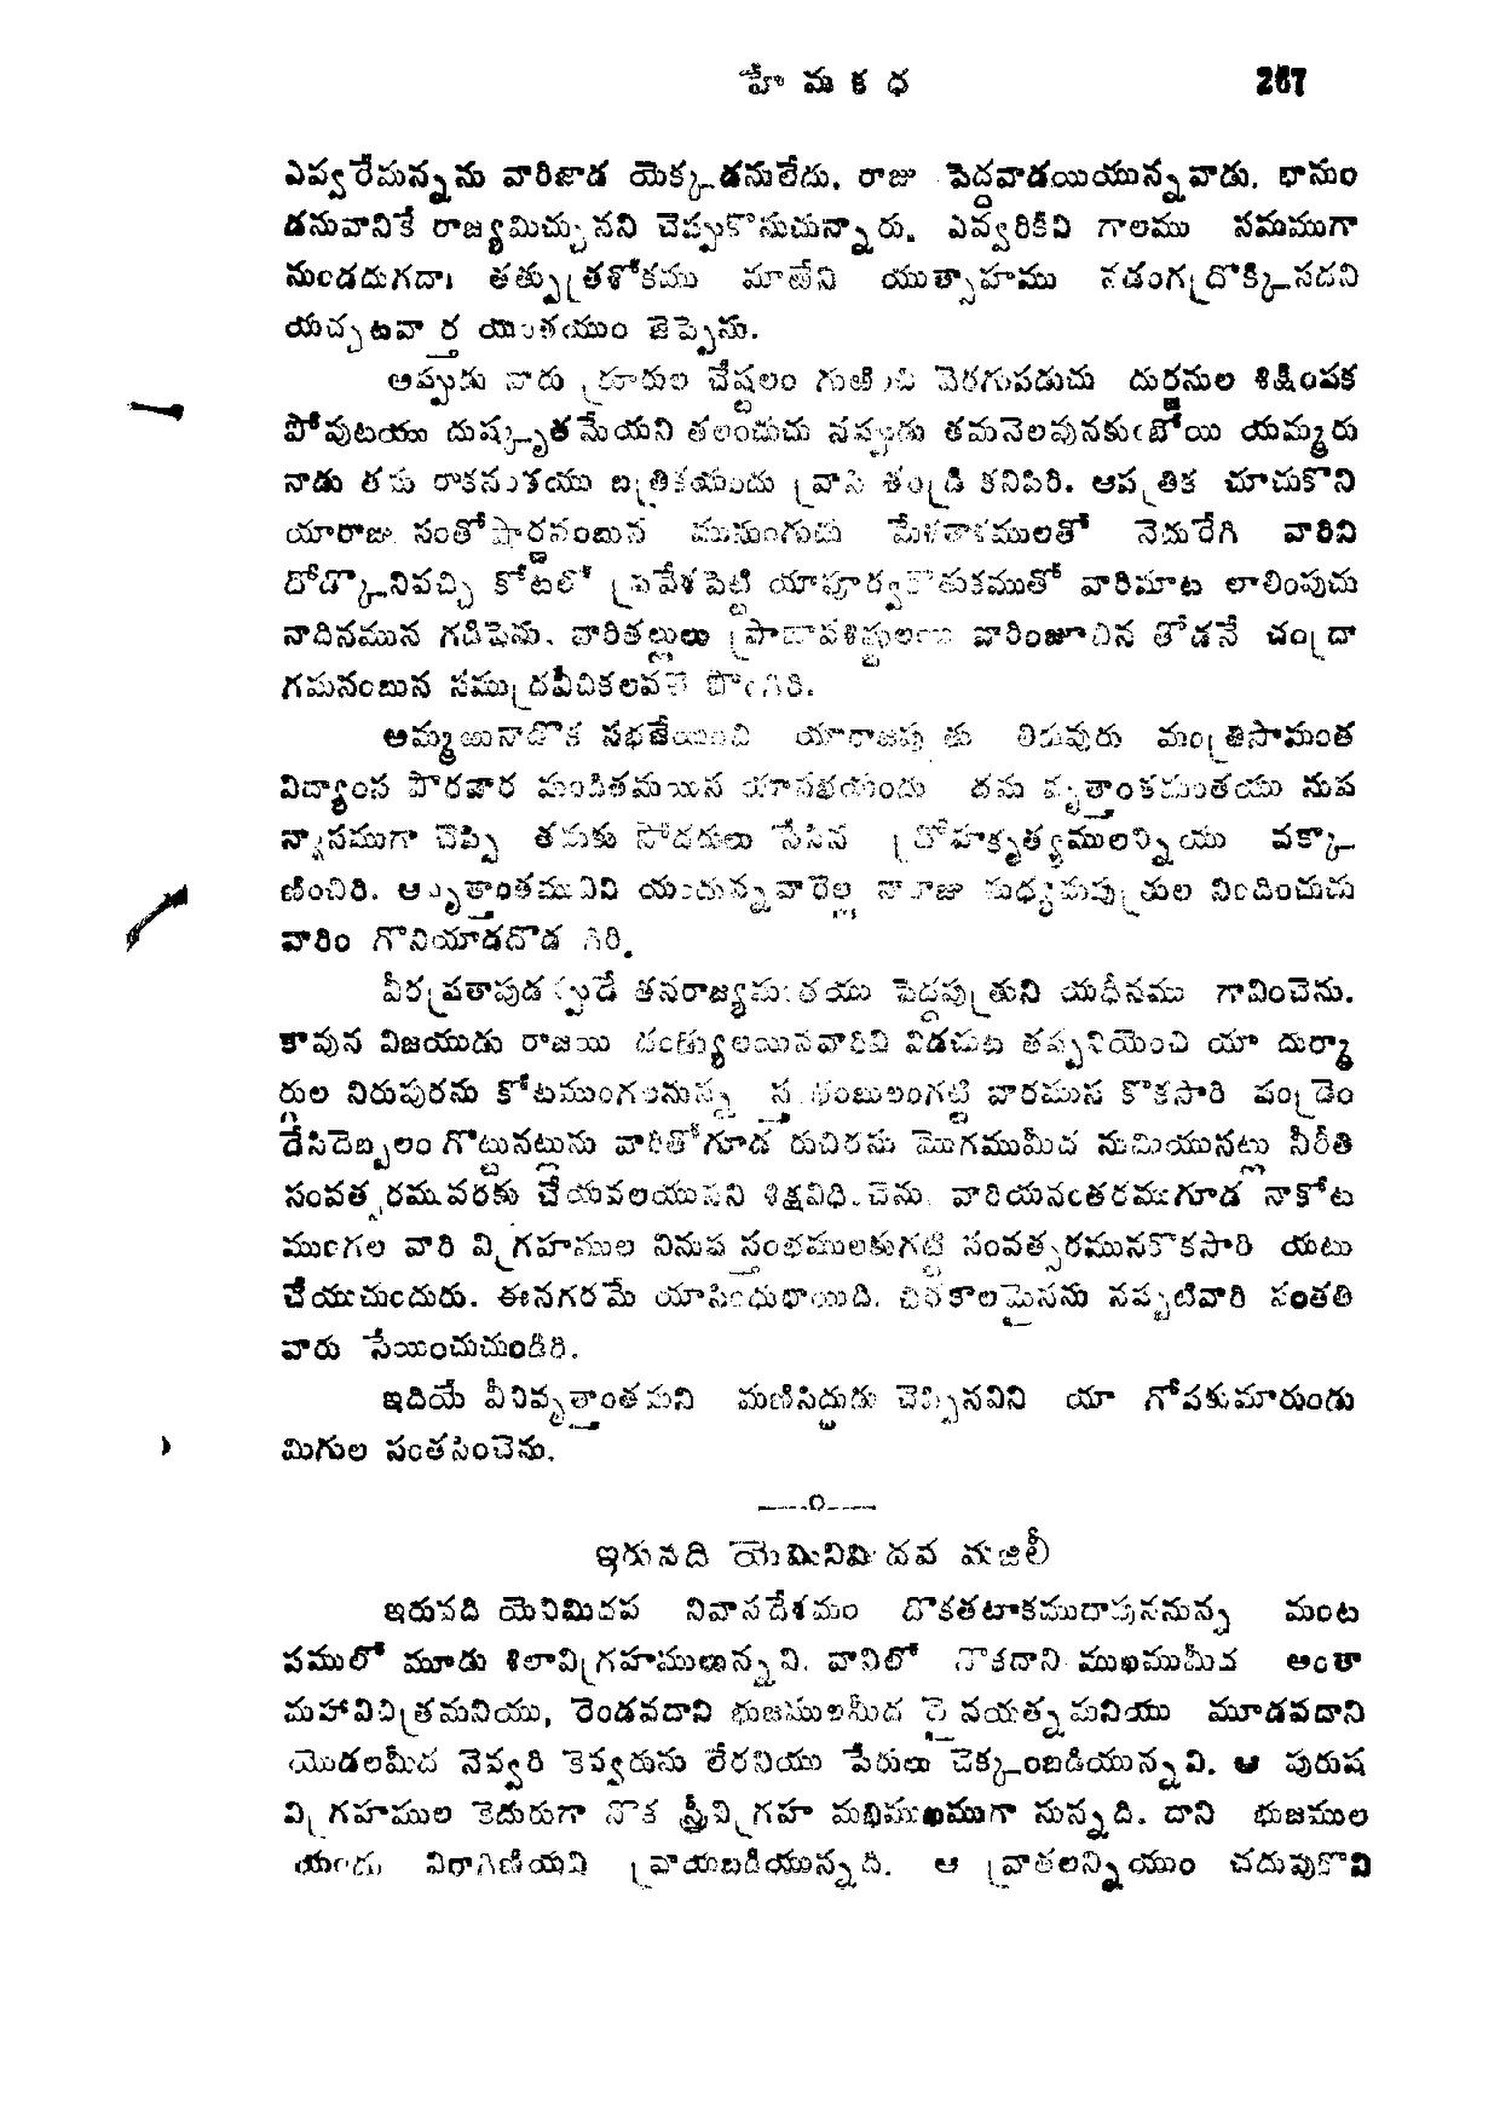ఎవ్వరేమన్నను వారిజాడ యెక్కడనులేదు. రాజు పెద్దవాడయియున్నవాడు. భానుండనువానికే
రాజ్యమిచ్చునని చెప్పుకొనుచున్నారు. ఎవ్వరికిని గాలము సమముగా నుండదుగదా? తత్పుత్రశోకము మాఱేని యుత్సాహము నడంగద్రొక్కినదని యచ్చటవార్త యంతయుం జెప్పెను.

అప్పుడు వారు క్రూరుల చేష్టలం గుఱించి వెరగుపడుచు దుర్జనుల శిక్షింపక పోవుటయు దుష్కృతమేయని తలంచుచు నప్పుడు తమనెలవునకుఁబోయి యమ్మరునాడు తమ రాకనంతయు బత్రికయందు వ్రాసి తండ్రి కనిపిరి. ఆపత్రిక చూచుకొని యారాజు సంతోషార్ణవంబున మునుంగుచు మేళతాళములతో నెదురేగి వారిని దోడ్కొనివచ్చి కోటలో ప్రవేశపెట్టి యాపూర్వకౌతుకముతో వారిమాట లాలింపుచు నాదినమున గడిపెను. వారితల్లులు ప్రాణావశిష్టులయి వారింజూచిన తోడనే చంద్రాగమనంబున సముద్రవీచికలవలె పొంగిరి.

అమ్మఱునాడొక సభజేయించి యారాజపుత్రు లిరువురు మంత్రిసామంత విద్వాంస పౌరవార మండితమయిన యాసభయందు దమ వృత్తాంతమంతయు నుపన్యాసముగా చెప్పి తమకు సోదరులు సేసిన ద్రోహకృత్యములన్నియు వక్కాణించిరి. ఆవృత్తాంతమువిని యందున్నవారెల్ల నారాజు మధ్యమపుత్రుల నిందించుచు వారిం గొనియాడదొడంగిరి.

వీరప్రతాపుడప్పుడే తనరాజ్యమంతయు పెద్దపుత్రుని యధీనము గావించెను. కావున విజయుడు రాజుయి దండ్యులయినవారిని విడచుట తప్పనియెంచి యా దుర్మార్గుల నిరువురను కోటముంగలనున్న స్తంభంబులంగట్టి వారమున కొకసారి పండ్రెండేసిదెబ్బలం గొట్టునట్లును వారితో గూడ రుచిరను మొగముమీద నుమియునట్లు నీరీతి సంవత్సరమువరకు చేయవలయుని శిక్షవిధించెను. వారియనంతరముగూడ నాకోట ముంగల వారి విగ్రహముల నినుపస్తంభములకుగట్టి సంవత్సరమునకొకసారి యట్లు చేయుచుందురు. ఈనగరమే యాసింధుభాయిది. చిరకాలమైసను నప్పటివారి సంతతివారు సేయించుచుండిరి.

ఇదియే వీనివృత్తాంతమని మణిసిద్దుడు చెప్పినవిని యా గోపకుమారుండు మిగుల సంతసించెను,

ఇరువది యెనిమిదవ మజిలీ

ఇరువది యెనిమిదవ నివాసదేశమం దొకతటాకముదాపుననున్న మంటపములో మూడు శిలావిగ్రహములున్నవి. వానిలో నొకదాని ముఖముమీద అంతా మహావిచిత్రమనియు, రెండవదాని భుజములమీద దైవయత్నమనియు మూడవదాని యొడలమీద నెవ్వరి కెవ్వరును లేరనియు పేరులు చెక్కంబడియున్నవి. ఆ పురుష విగ్రహముల కెదురుగా నొక స్త్రీవిగ్రహ మభిముఖముగా నున్నది. దాని భుజముల యందు విరాగిణియని వ్రాయబడియున్నది. ఆ వ్రాతలన్నియుం చదువుకొని